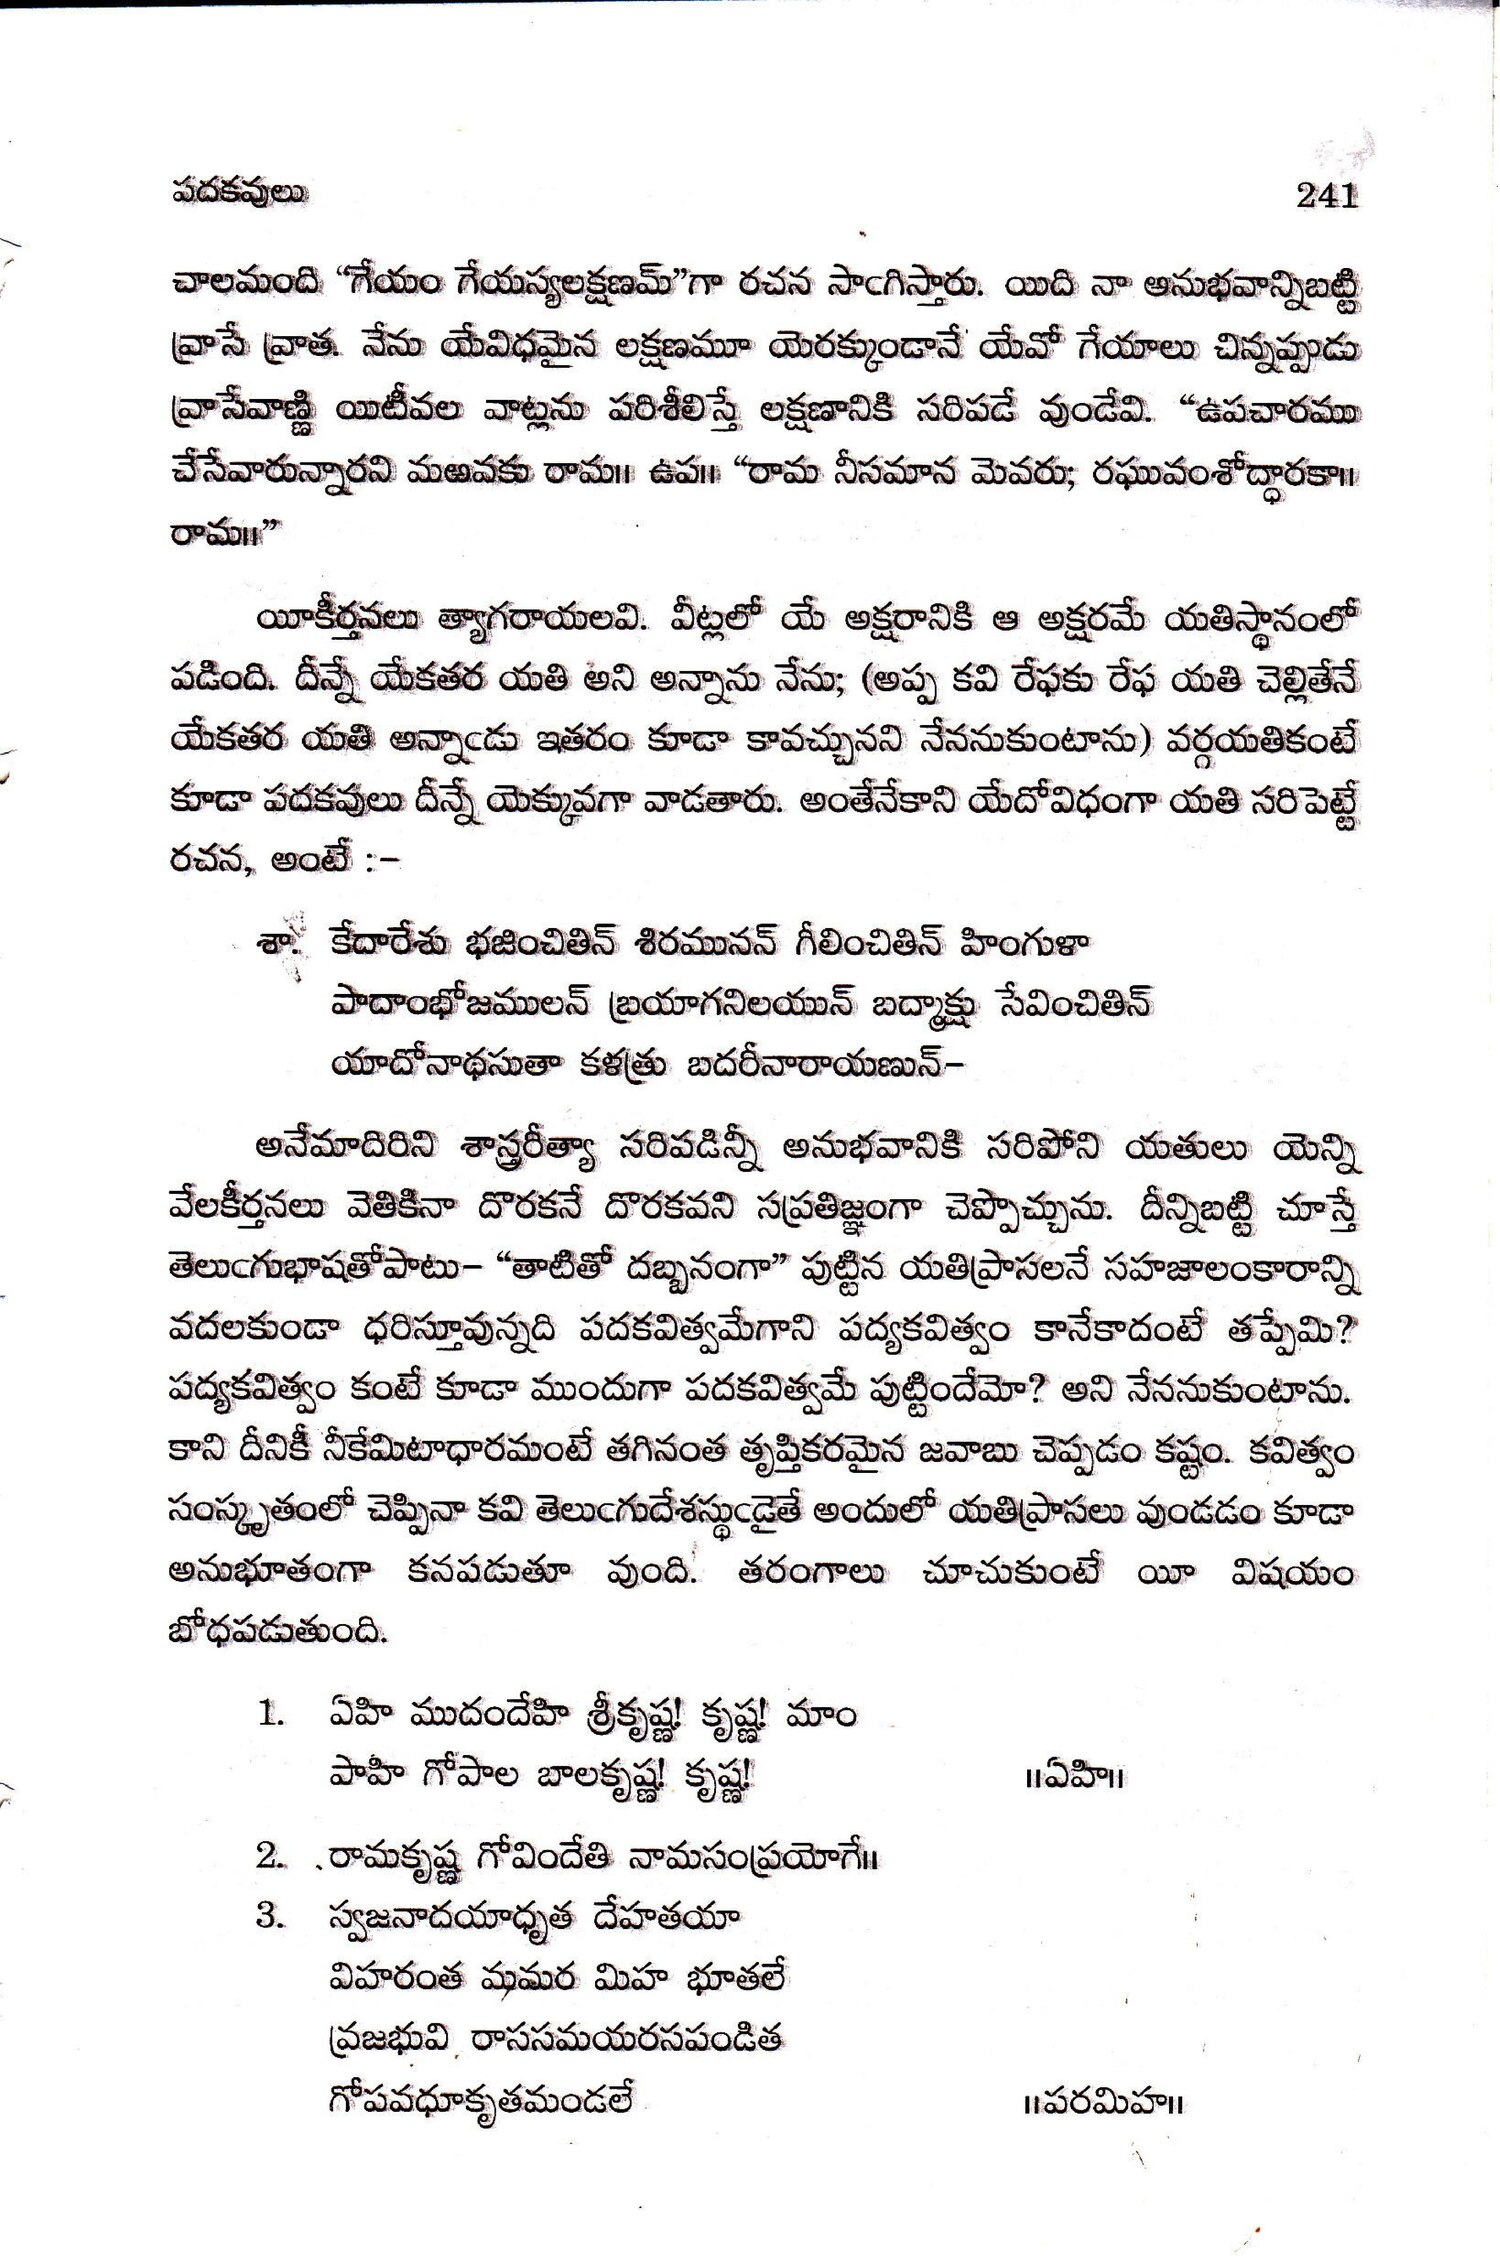చాలమంది "గేయం గేయస్యలక్షణమ్”గా రచన సాఁగిస్తారు. యిది నా అనుభవాన్నిబట్టి వ్రాసే వ్రాత. నేను యేవిధమైన లక్షణమూ యెరక్కుండానే యేవో గేయాలు చిన్నప్పుడు వ్రాసేవాణ్ణి యిటీవల వాట్లను పరిశీలిస్తే లక్షణానికి సరిపడే వుండేవి. “ఉపచారము చేసేవారున్నారని మఱవకు రామ|| ఉప|| “రామ నీసమాన మెవరు; రఘువంశోద్దారకా॥ రామ||"

యీకీర్తనలు త్యాగరాయలవి. వీట్లలో యే అక్షరానికి ఆ అక్షరమే యతిస్థానంలో పడింది. దీన్నే యేకతర యతి అని అన్నాను నేను; (అప్ప కవి రేఫకు రేఫ యతి చెల్లితేనే యేకతర యతి అన్నాఁడు ఇతరం కూడా కావచ్చునని నేననుకుంటాను) వర్గయతికంటే కూడా పదకవులు దీన్నే యెక్కువగా వాడతారు. అంతేనేకాని యేదోవిధంగా యతి సరిపెట్టే రచన, అంటే :- 

శా. కేదారేశు భజించితిన్ శిరమునన్ గీలించితిన్ హింగుళా
 పాదాంభోజములన్ బ్రయాగనిలయున్ బద్మాక్షు సేవించితిన్
 యాదోనాథసుతా కళత్రు బదరీనారాయణున్-
అనేమాదిరిని శాస్త్రరీత్యా సరివడిన్నీ అనుభవానికి సరిపోని యతులు యెన్ని వేలకీర్తనలు వెతికినా దొరకనే దొరకవని సప్రతిజ్ఞంగా చెప్పొచ్చును. దీన్నిబట్టి చూస్తే తెలుఁగుభాషతోపాటు- “తాటితో దబ్బనంగా” పుట్టిన యతిప్రాసలనే సహజాలంకారాన్ని వదలకుండా ధరిస్తూవున్నది పదకవిత్వమేగాని పద్యకవిత్వం కానేకాదంటే తప్పేమి? పద్యకవిత్వం కంటే కూడా ముందుగా పదకవిత్వమే పుట్టిందేమో? అని నేననుకుంటాను. కాని దీనికీ నీకేమిటాధారమంటే తగినంత తృప్తికరమైన జవాబు చెప్పడం కష్టం. కవిత్వం సంస్కృతంలో చెప్పినా కవి తెలుఁగుదేశస్థుఁడైతే అందులో యతిప్రాసలు వుండడం కూడా అనుభూతంగా కనపడుతూ వుంది. తరంగాలు చూచుకుంటే యీ విషయం బోధపడుతుంది. 

1. ఏహి ముదందేహి శ్రీకృష్ణ! కృష్ణ! మాం - 
 పాహి గోపాల బాలకృష్ణ! కృష్ణ! ||ఏహి || 

2. రామకృష్ణ గోవిందేతి నామసంప్రయోగే॥ 
3. స్వజనాదయాధృత దేహతయా
 విహరంత మమర మిహ భూతలే 
 ప్రజభువి రాససమయరసపండిత 
 గోపవధూకృతమండలే || పరమిహ॥